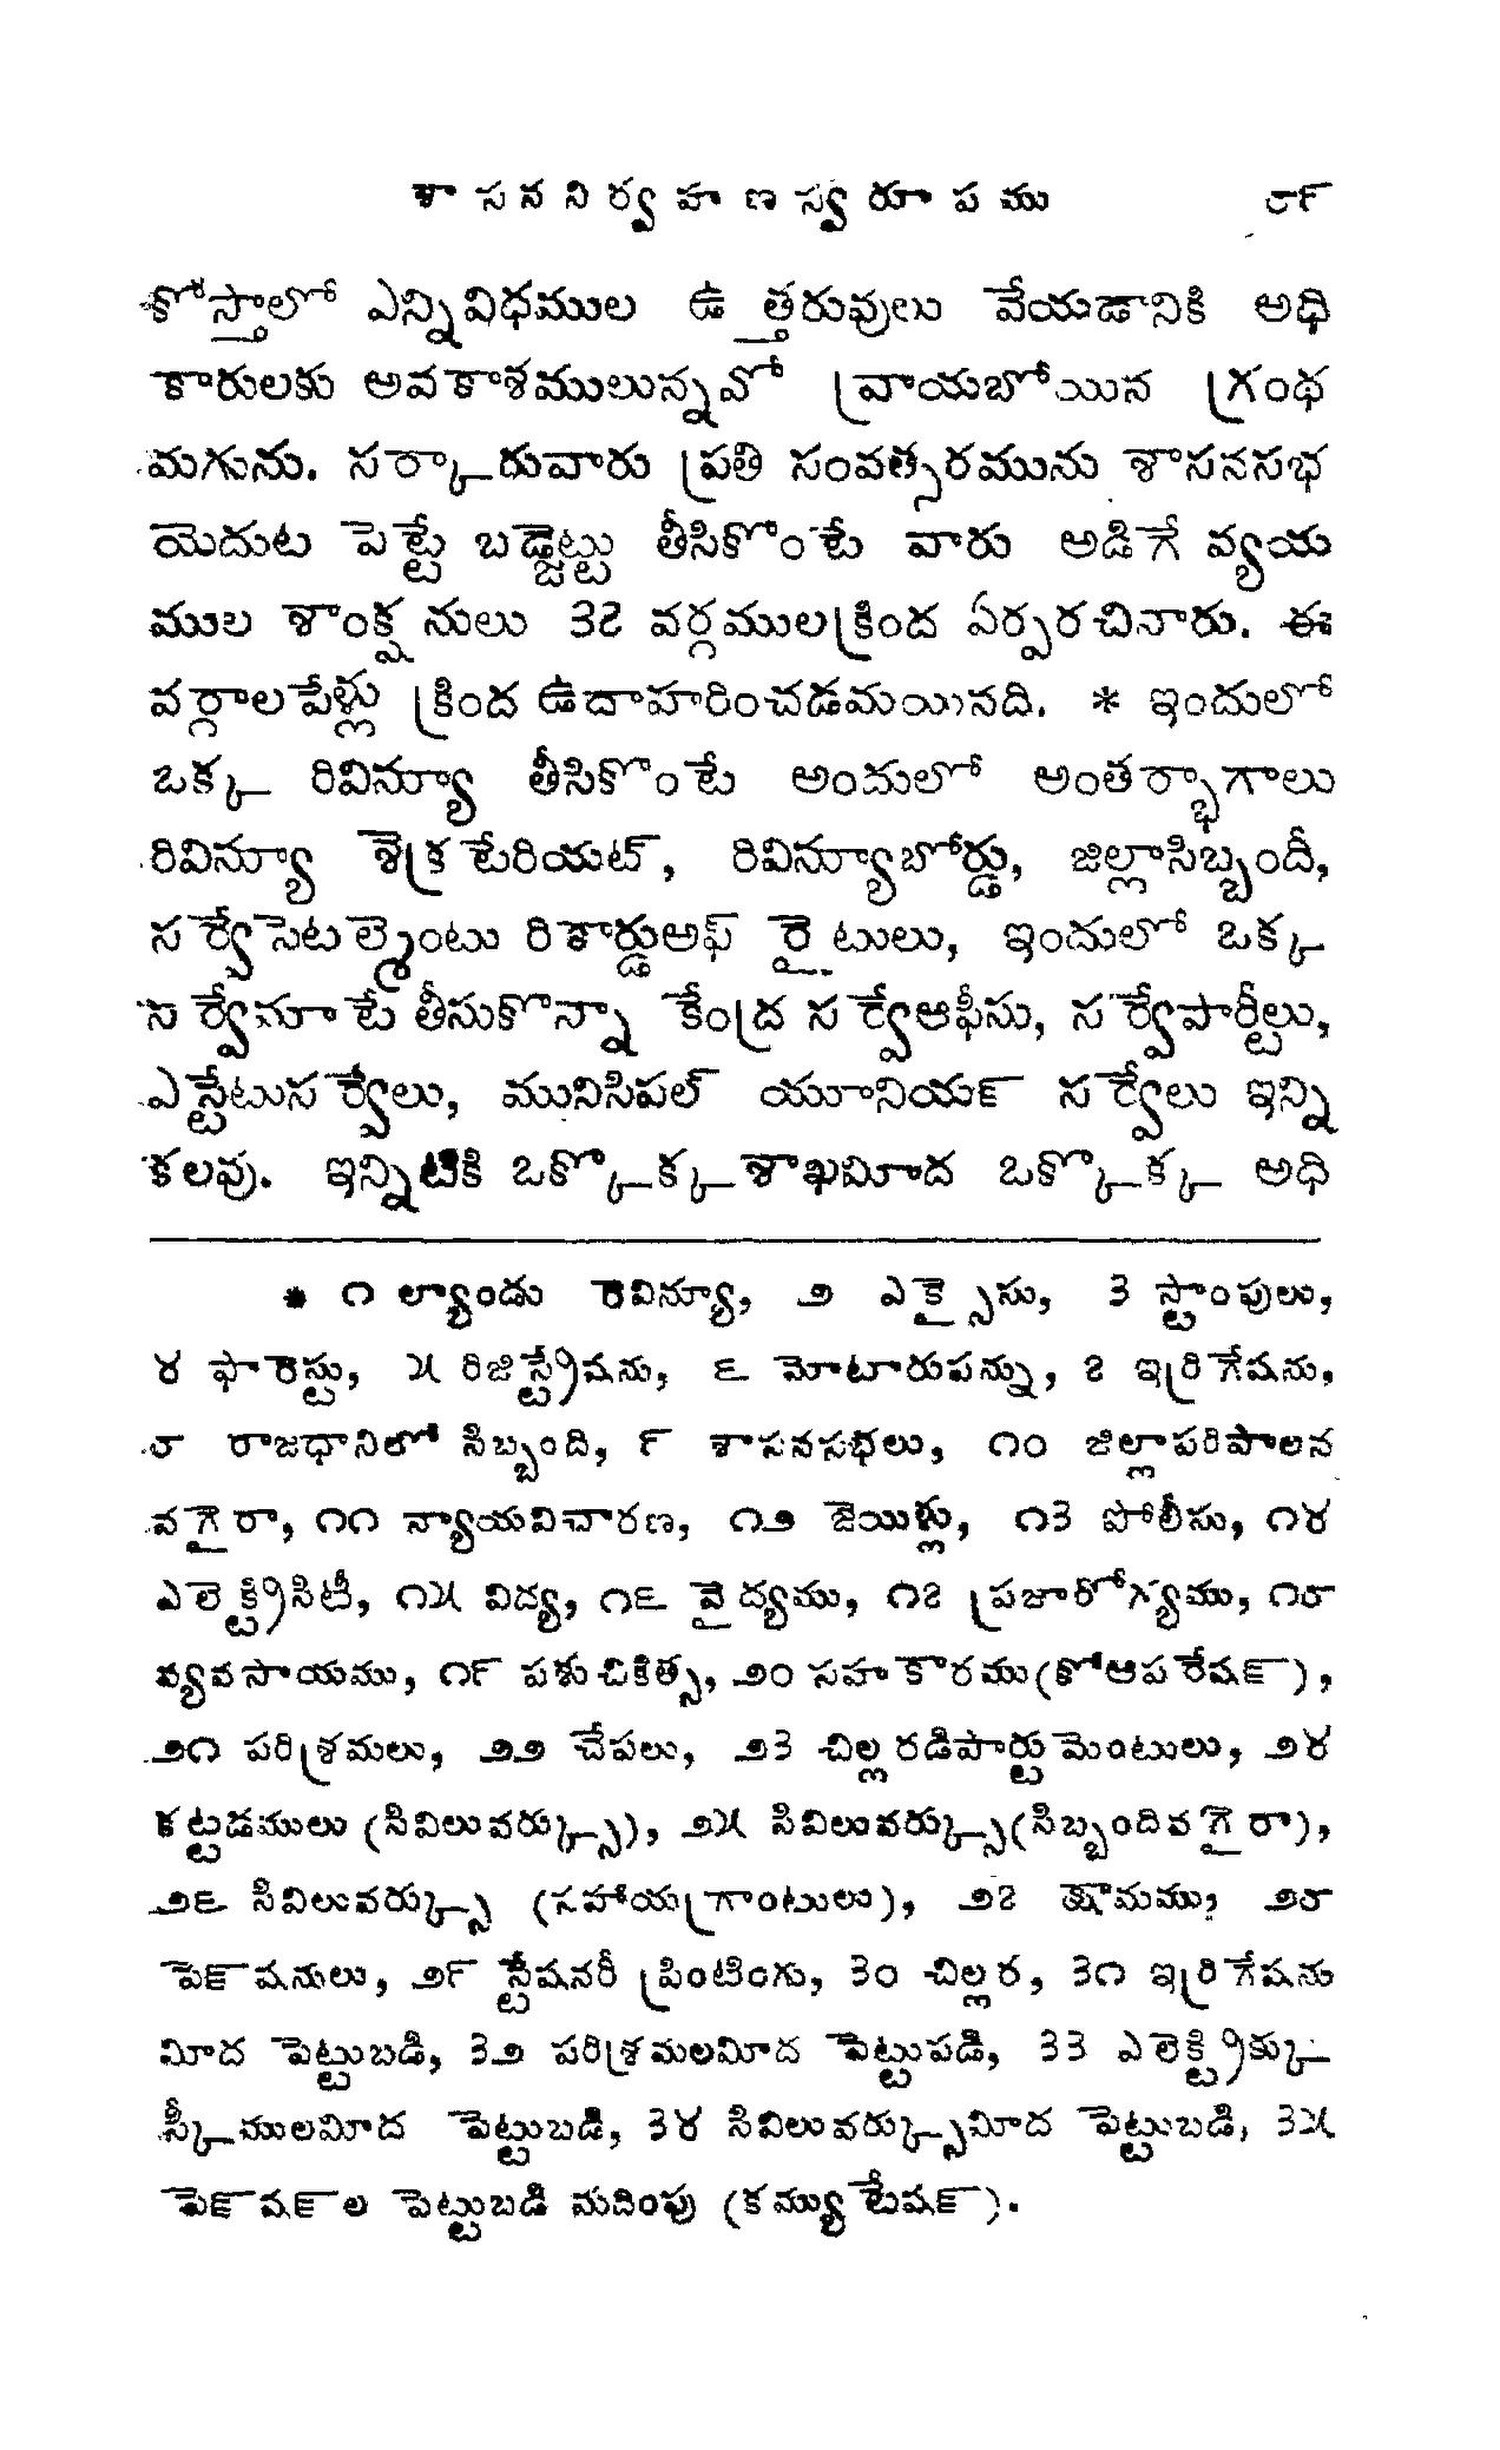కోస్తాలో ఎన్నివిధముల ఉత్తరువులు వేయడానికి అధికారులకు అవకాశములున్నవో వ్రాయబోయిన గ్రంథమగును. సర్కారువారు ప్రతి సంవత్సరమును శాసనసభ యెదుట పెట్టే బడ్జెట్టు తీసికొంటే వారు అడిగే వ్యయముల శాంక్షనులు 37 వర్గములక్రింద ఏర్పరచినారు. ఈవర్గాలపేళ్లు క్రింద ఉదాహరించడ మయినది. ఇందులో ఒక్క రివిన్యూ తీసికొంటే అందులో అంతర్భాగాలు రివిన్యూ శెక్రటేరియట్ , రివిన్యూబోర్డు, జిల్లాసిబ్బందీ, సర్వేసెటల్మెంటు రికార్డుఅఫ్ రైటులు, ఇందులో ఒక్క సర్వేమాటే తీసుకొన్నా కేంద్ర సర్వేఆఫీసు, సర్వేపార్టీలు, ఎస్టేటుసర్వేలు, మునిసిపల్ యూనియన్ సర్వేలు ఇన్ని కలవు. ఇన్నిటికి ఒక్కొక్క శాఖమీద ఒక్కొక్క అధి